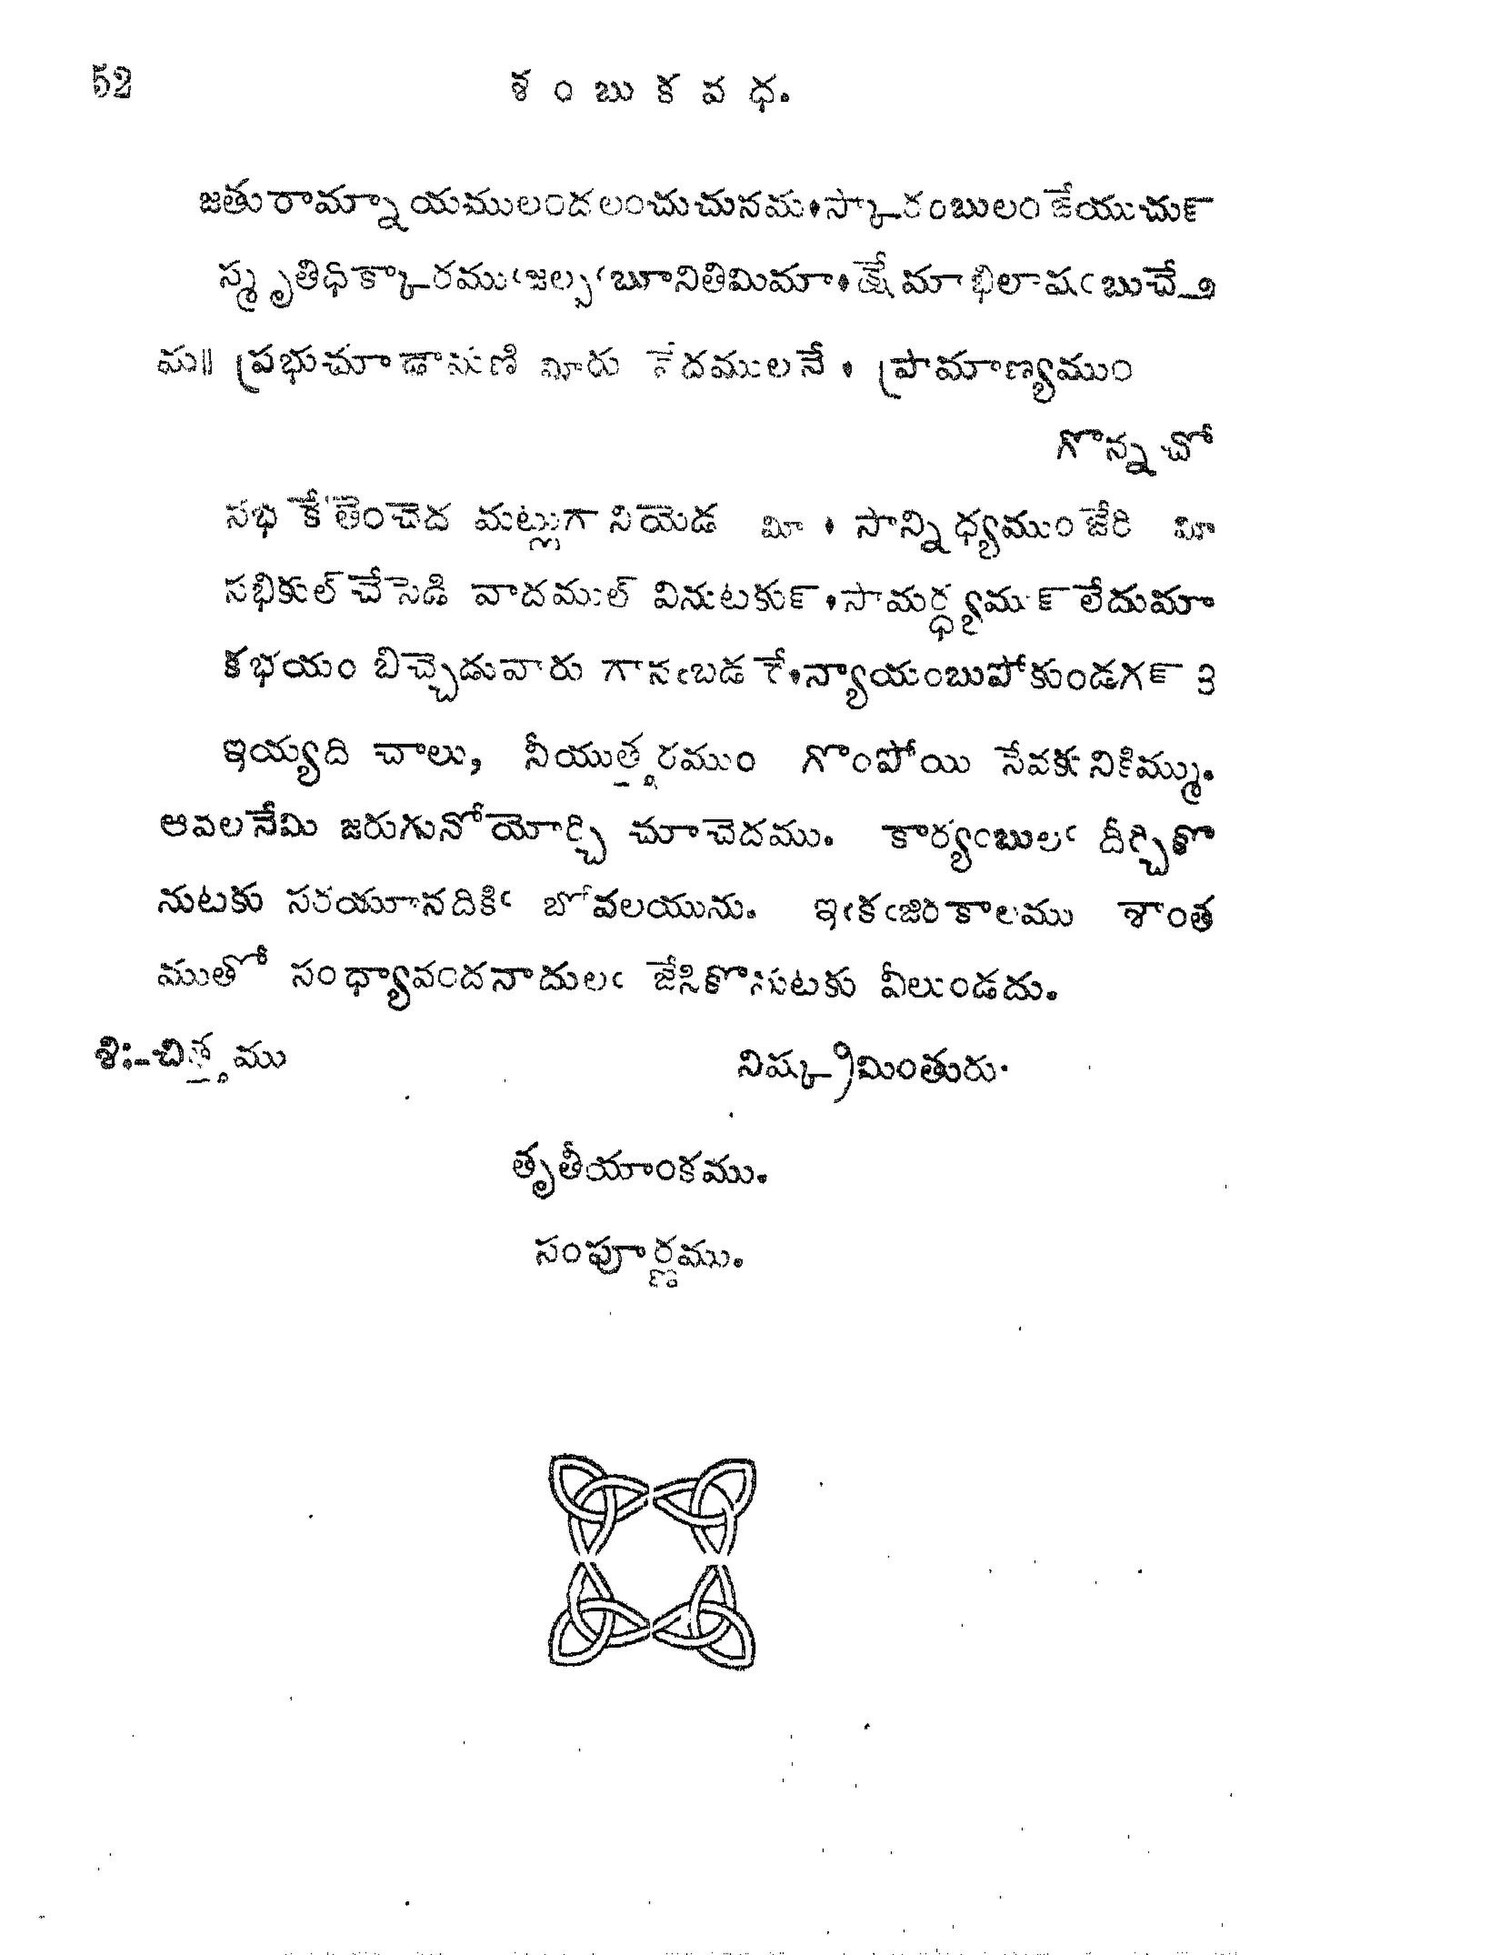జతురామ్నాయములందలంచుచు నమస్కారంబులం జేయుచున్
 స్మృతి ధిక్కారము జల్ప బూనితిమి మాక్షేమాభిలాషంబుచే..2

 మ|| ప్రభుచూ డామణి మీరు వేదములనే ప్రామాణ్యముంగొన్న చో
 సభా కేతెంచెద మట్లుగానియెడ మీ ! సాన్నిధ్యముంజేరి మీ
 సభికుల్ చేసెడి వాదముల్ వినుటకు • సామర్ధ్యమున్ లేదుమా
 కభయం బిచ్చెడు వారు గానఁబడరే న్యాయంబు పోకుండగన్.... 3

 ఇయ్యది చాలు, నీయుత్తరముం గొంపోయి సేవకునికిమ్ము.
 ఆవల నేమి జరుగునో యోర్చి చూచెదము. కార్యంబుల దీర్చికొ
 నుటకు సరయూనదికిఁ బోవలయును. ఇక జిరి కాలము శాంత
 ముతో సంధ్యావందనాదులఁ జేసికొనుటకు వీలుండదు.

 

.